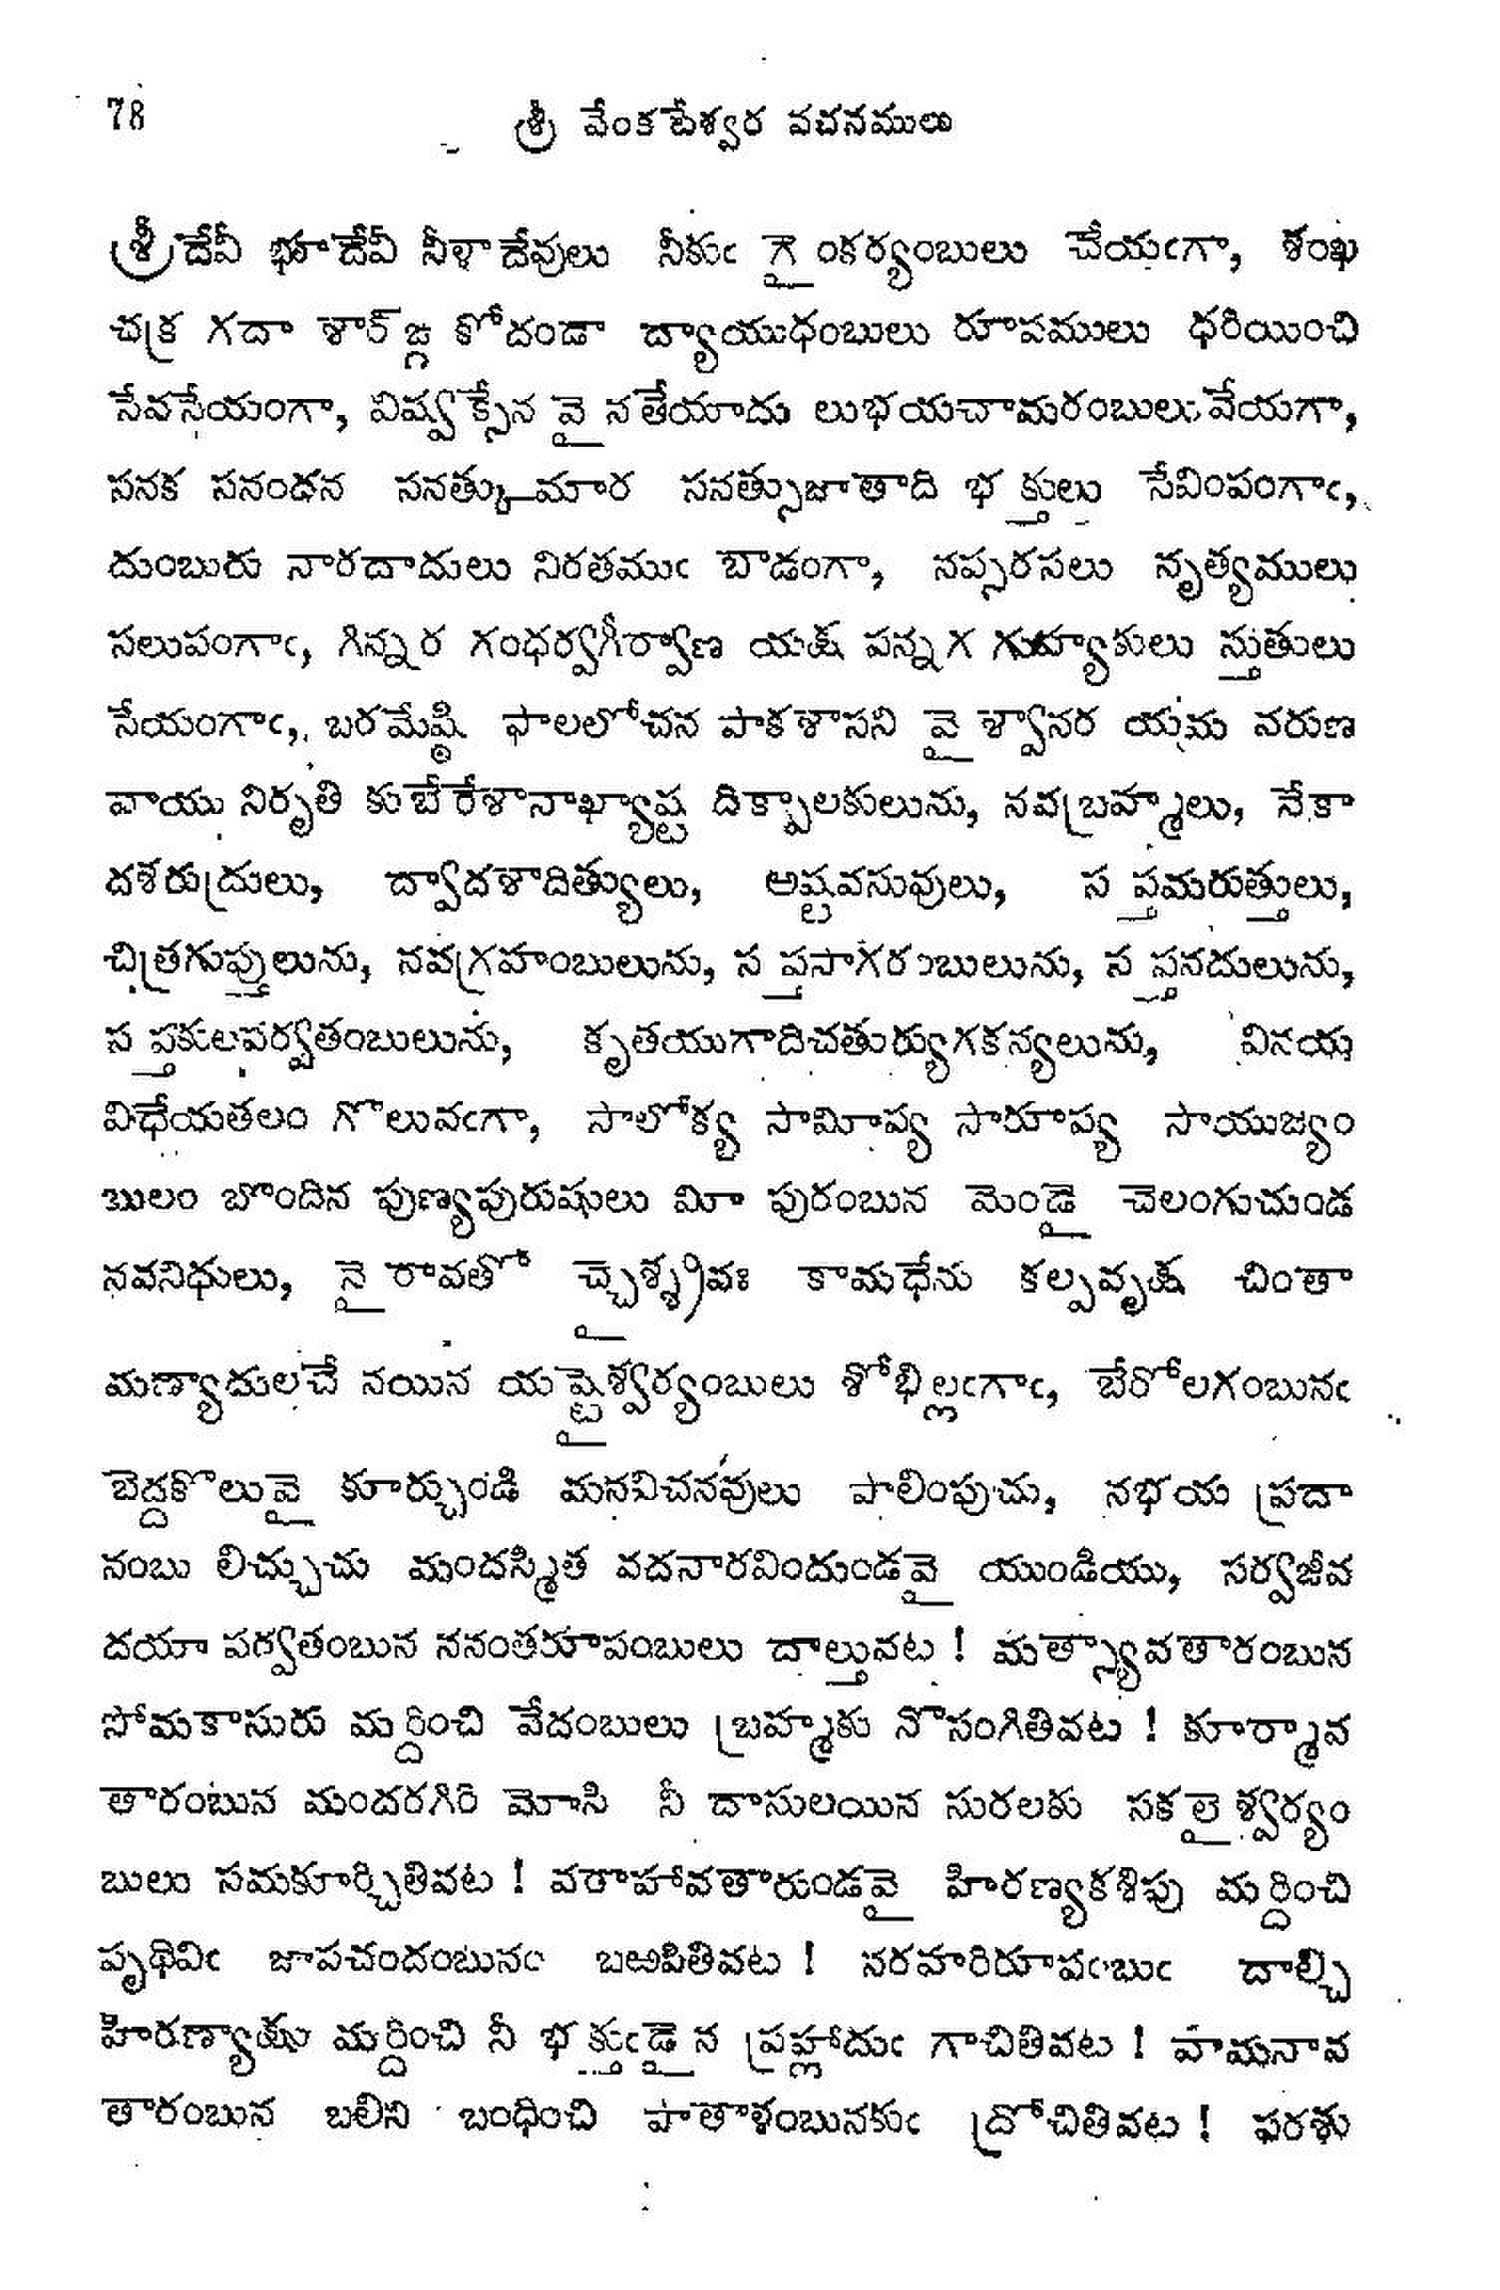శ్రీదేవీ భూ దేవీ నీళా దేవులు నీకుఁ గైంకర్యంబులు చేయఁగా, శంఖ చక్ర గదా శార్ జ్గ కోదండా ద్యాయుధంబులు రూపములు ధరియించి సేవసేయంగా, విష్వక్సేన వై నతేయాదు లుభయచామరంబులు; వేయగా, సనక సనందన సనత్కుమార సనత్సుజాతాది భక్తులు సేవింపంగాఁ, దుంబురు నారదాదులు నిరతముఁ బాడంగా, సప్సరసలు నృత్యములు సలుపంగాఁ, గిన్నర గంధర్వగీర్వాణ యక్ష పన్నగ గుహ్యకులు స్తుతులు సేయంగాఁ,, బరమేష్టి. ఫాలలోచన పాకశాసనని వైశ్వానర యమ వరుణ వాయు నిరృతి కు బేరేశానాఖ్యాష్ట దిక్పాలకులును, నవబ్రహ్మలు, నేకా దశరుద్రులు, ద్వాదశాదిత్యులు, అష్టవసువులు, సప్తమరుత్తులు, చిత్రగుప్తులును, నవగ్రహంబులును, సప్తసాగరం బులును, సప్తనదులును, సప్తకులపర్వతంబులును, కృతయుగాది చతుర్యుగకన్యలును, వినయ విధేయతలం గొలువఁగా, సాలోక్య సామీప్య సారూప్య సాయుజ్యం బులం బొందిన పుణ్య పురుషులు మీ పురంబున మెండై చెలంగుచుండ నవనిధులు, నై రావతో చ్చెళ్ళవః కామధేను కల్పవృక్ష చింతా మణ్యాదులచే నయిన య షైశ్వర్యంబులు శోభిల్లఁగాఁ, బేరోలగంబునఁ పెద్దకొలువై కూర్చుండి మనవిచనవులు పాలింపుచు, నభయ ప్రదా నంబు లిచ్చుచు మందస్మిత వదనారవిందుండవై యుండియు, సర్వజీవ దయా పర్వతంబున సనంతరూపంబులు దాల్తునట ! మత్స్యావతారంబున సోమకాసురు మర్దించి వేదంబులు బ్రహ్మకు నొసంగితివట ! కూర్మావ తారంబున మందరగిరి మోసి నీ
దాసులయిన సురలకు సకలైశ్వర్యం బులు సమకూర్చితివట ! వరాహావతారుండవై హిరణ్యకశిపు మర్దించి పృథివిఁ జాపచందంబునఁ బఱపితివట ! నరహరిరూపఁబుఁ దాల్చి హిరణ్యాక్షు మర్దించి నీ భక్తుఁడైన ప్రహ్లాదుఁ గాచితివట ! వామనావ తారంబున బలిని బంధించి పాతాళంబునకుఁ ద్రోచితివట ! ఫరశు